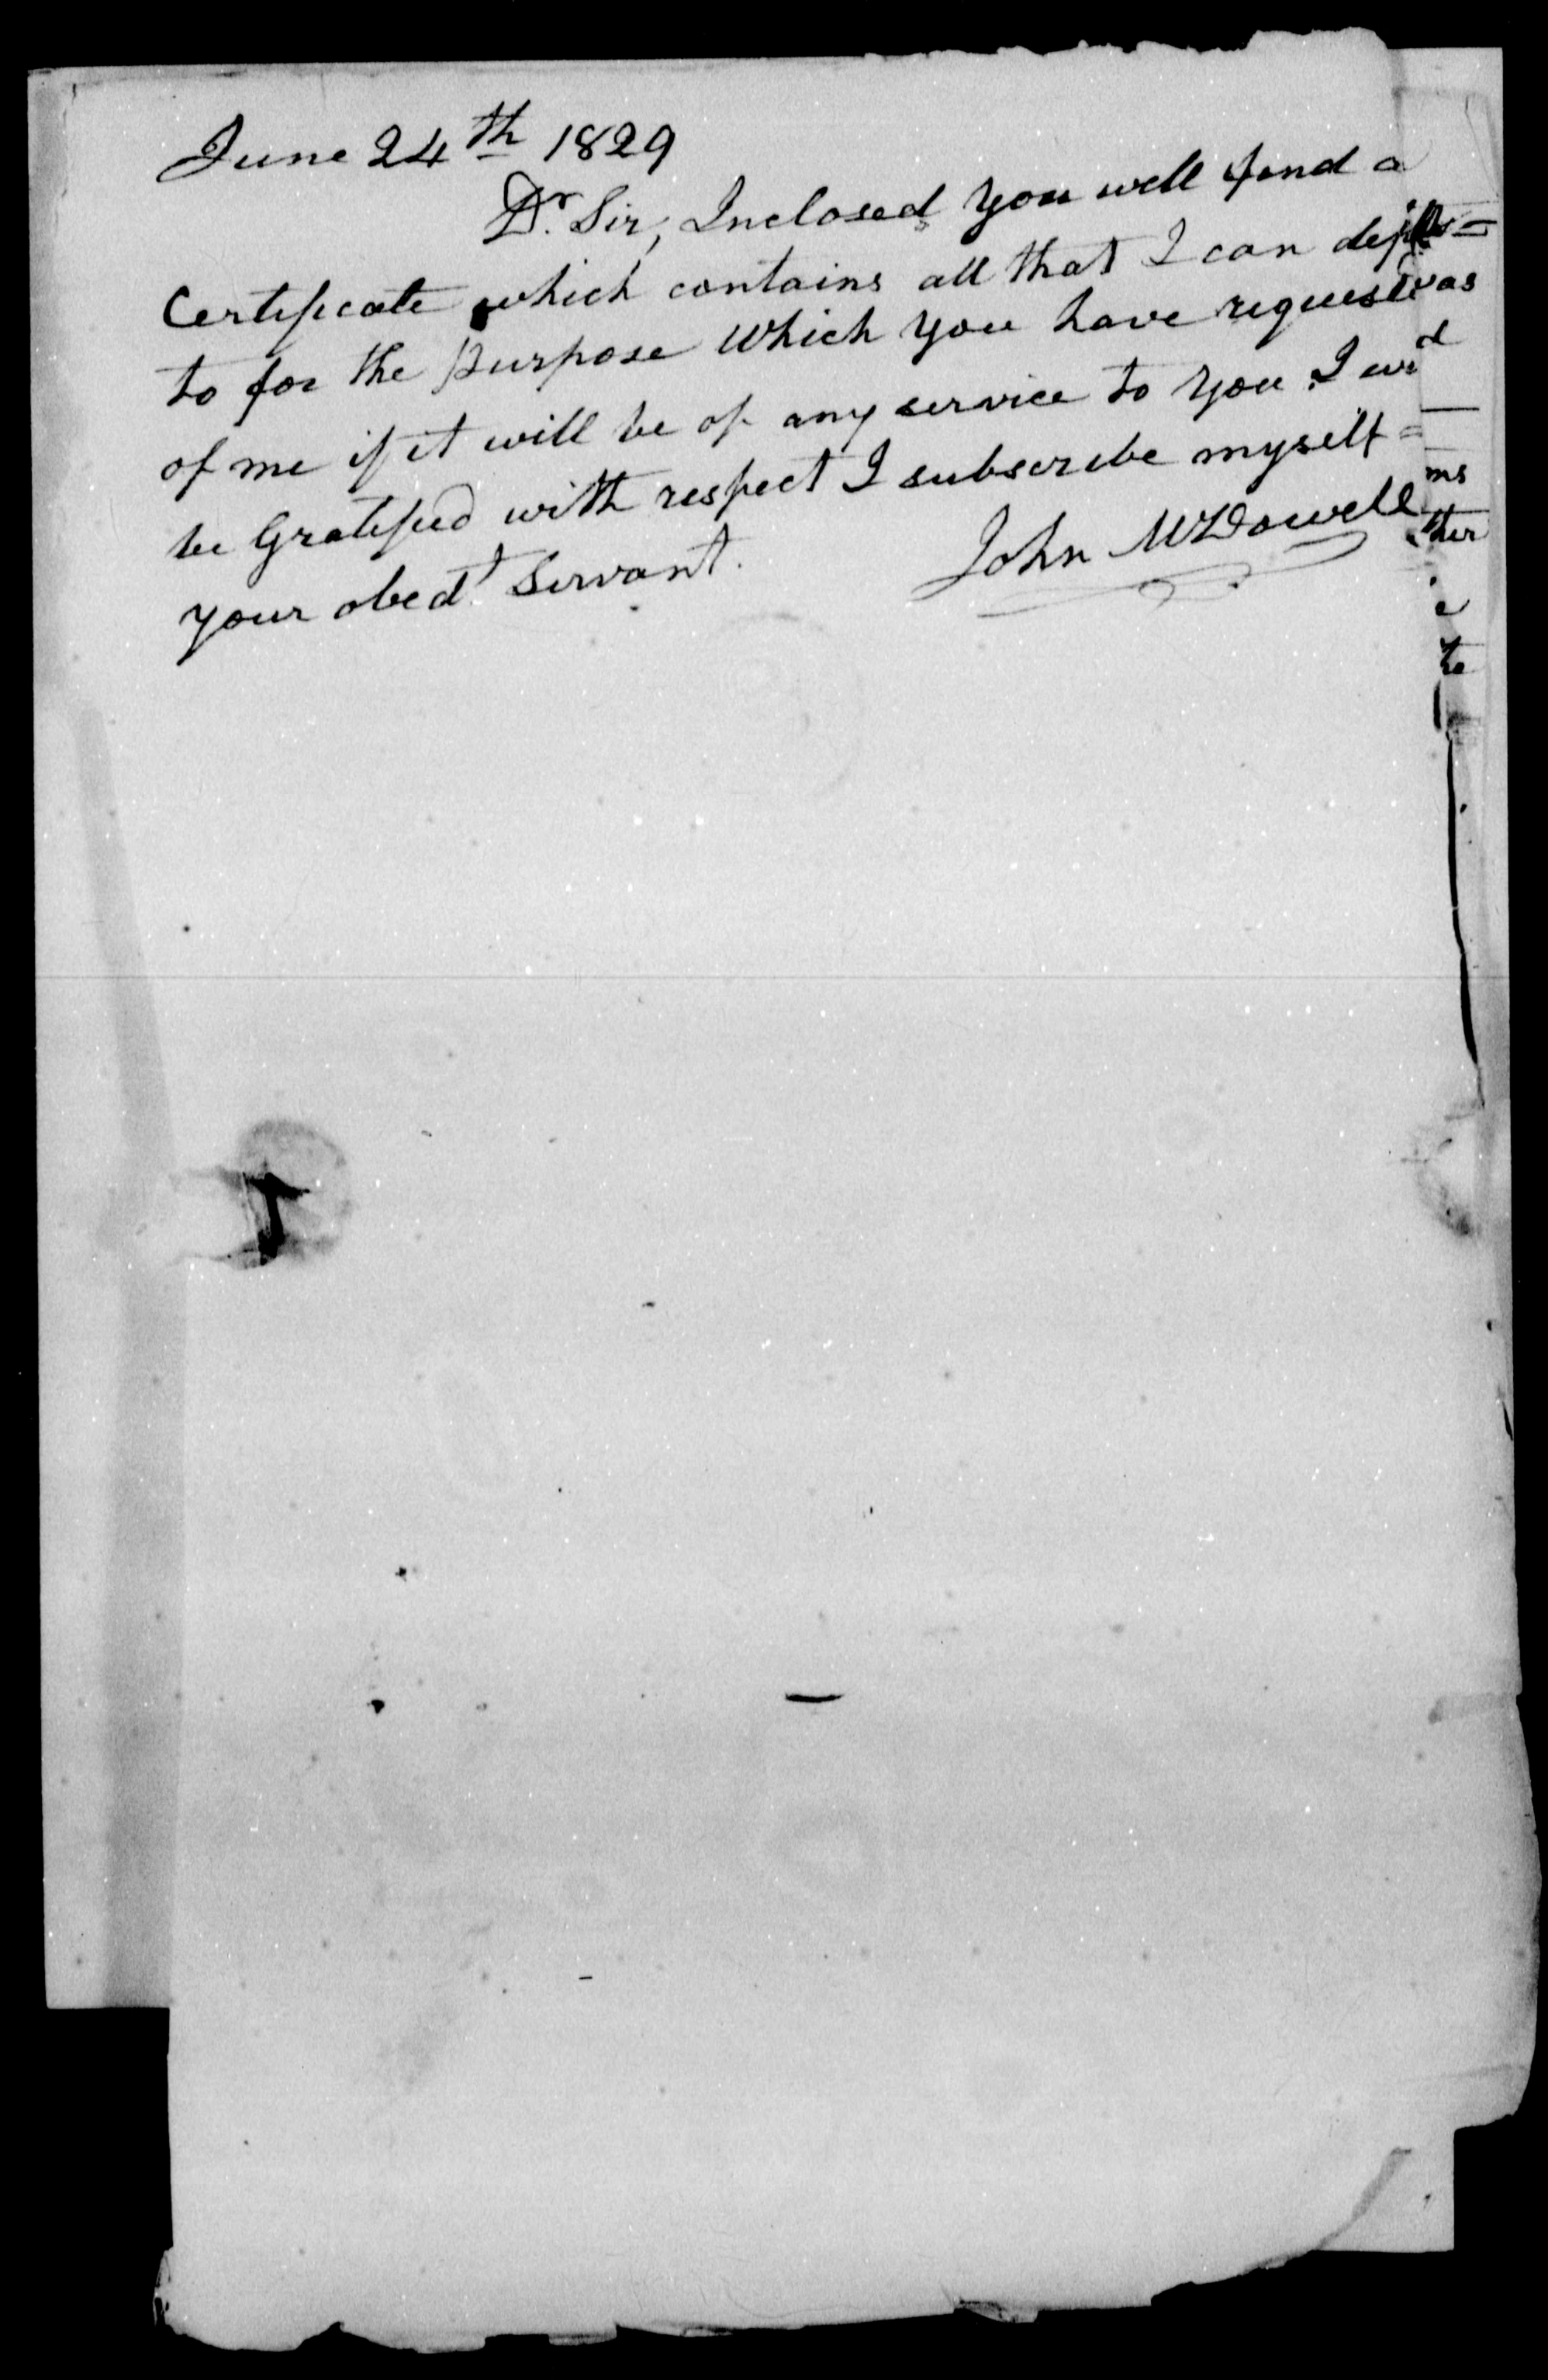June 24th 1829
Dr Sir, Inclosed you will hand a
certificate which contains all that I can
to for the purpose which you have requested
of me if it will be of any service to you I will
be gratified with respect I subscribe myself 
your obedt servant
John mcDowell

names: John Mc Dowell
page: 53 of 57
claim: widow's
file: W. 9,622, for Aaron Redman, Virginia